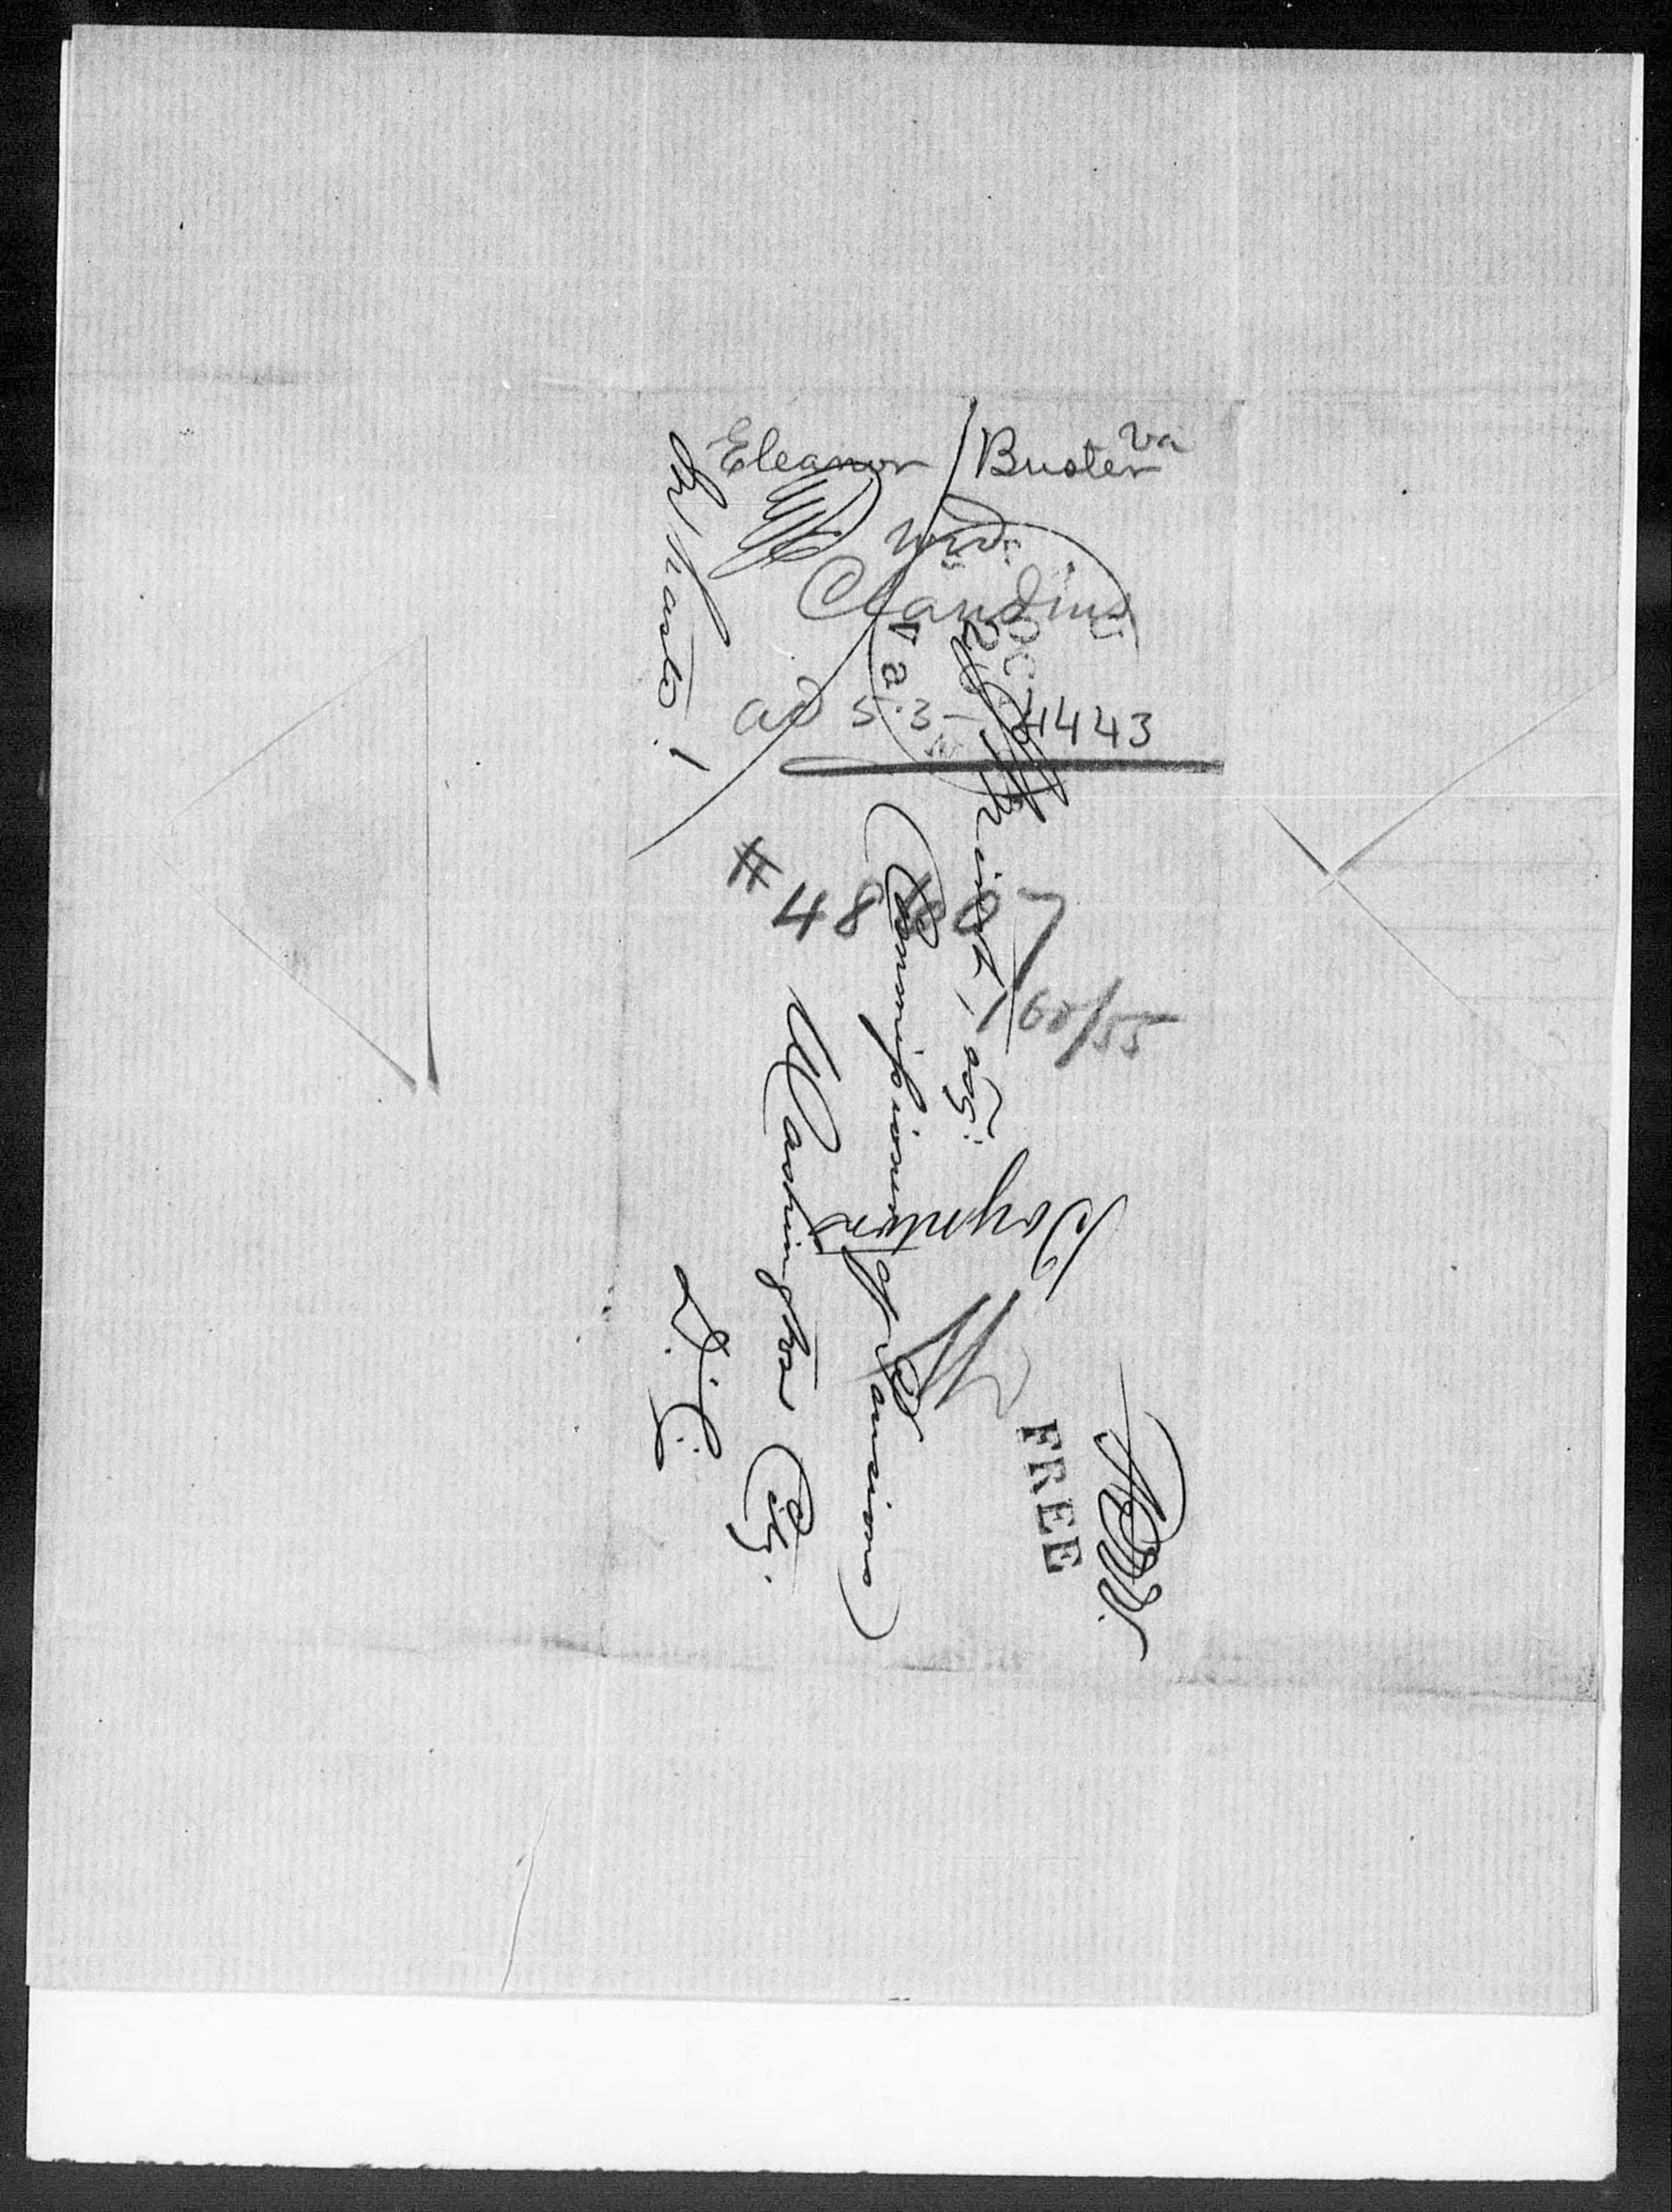Eleanor Buster Va
wid
Claudius
act 53-
4443

#48607
1 [illegible]/55

W
Waynton

STAUNTON Va.
OCT 20 [ink stamp]

FREE
FREE [ink stamp]

J Minot, seq:
(Commissioner of Pensions)
Washingotn City.
D: C: 

In haste!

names: Claudius Buster, J Minot, Eleanor Buster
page: 33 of 71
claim: widow's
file: W. 25310, Claudius Buster, Va.